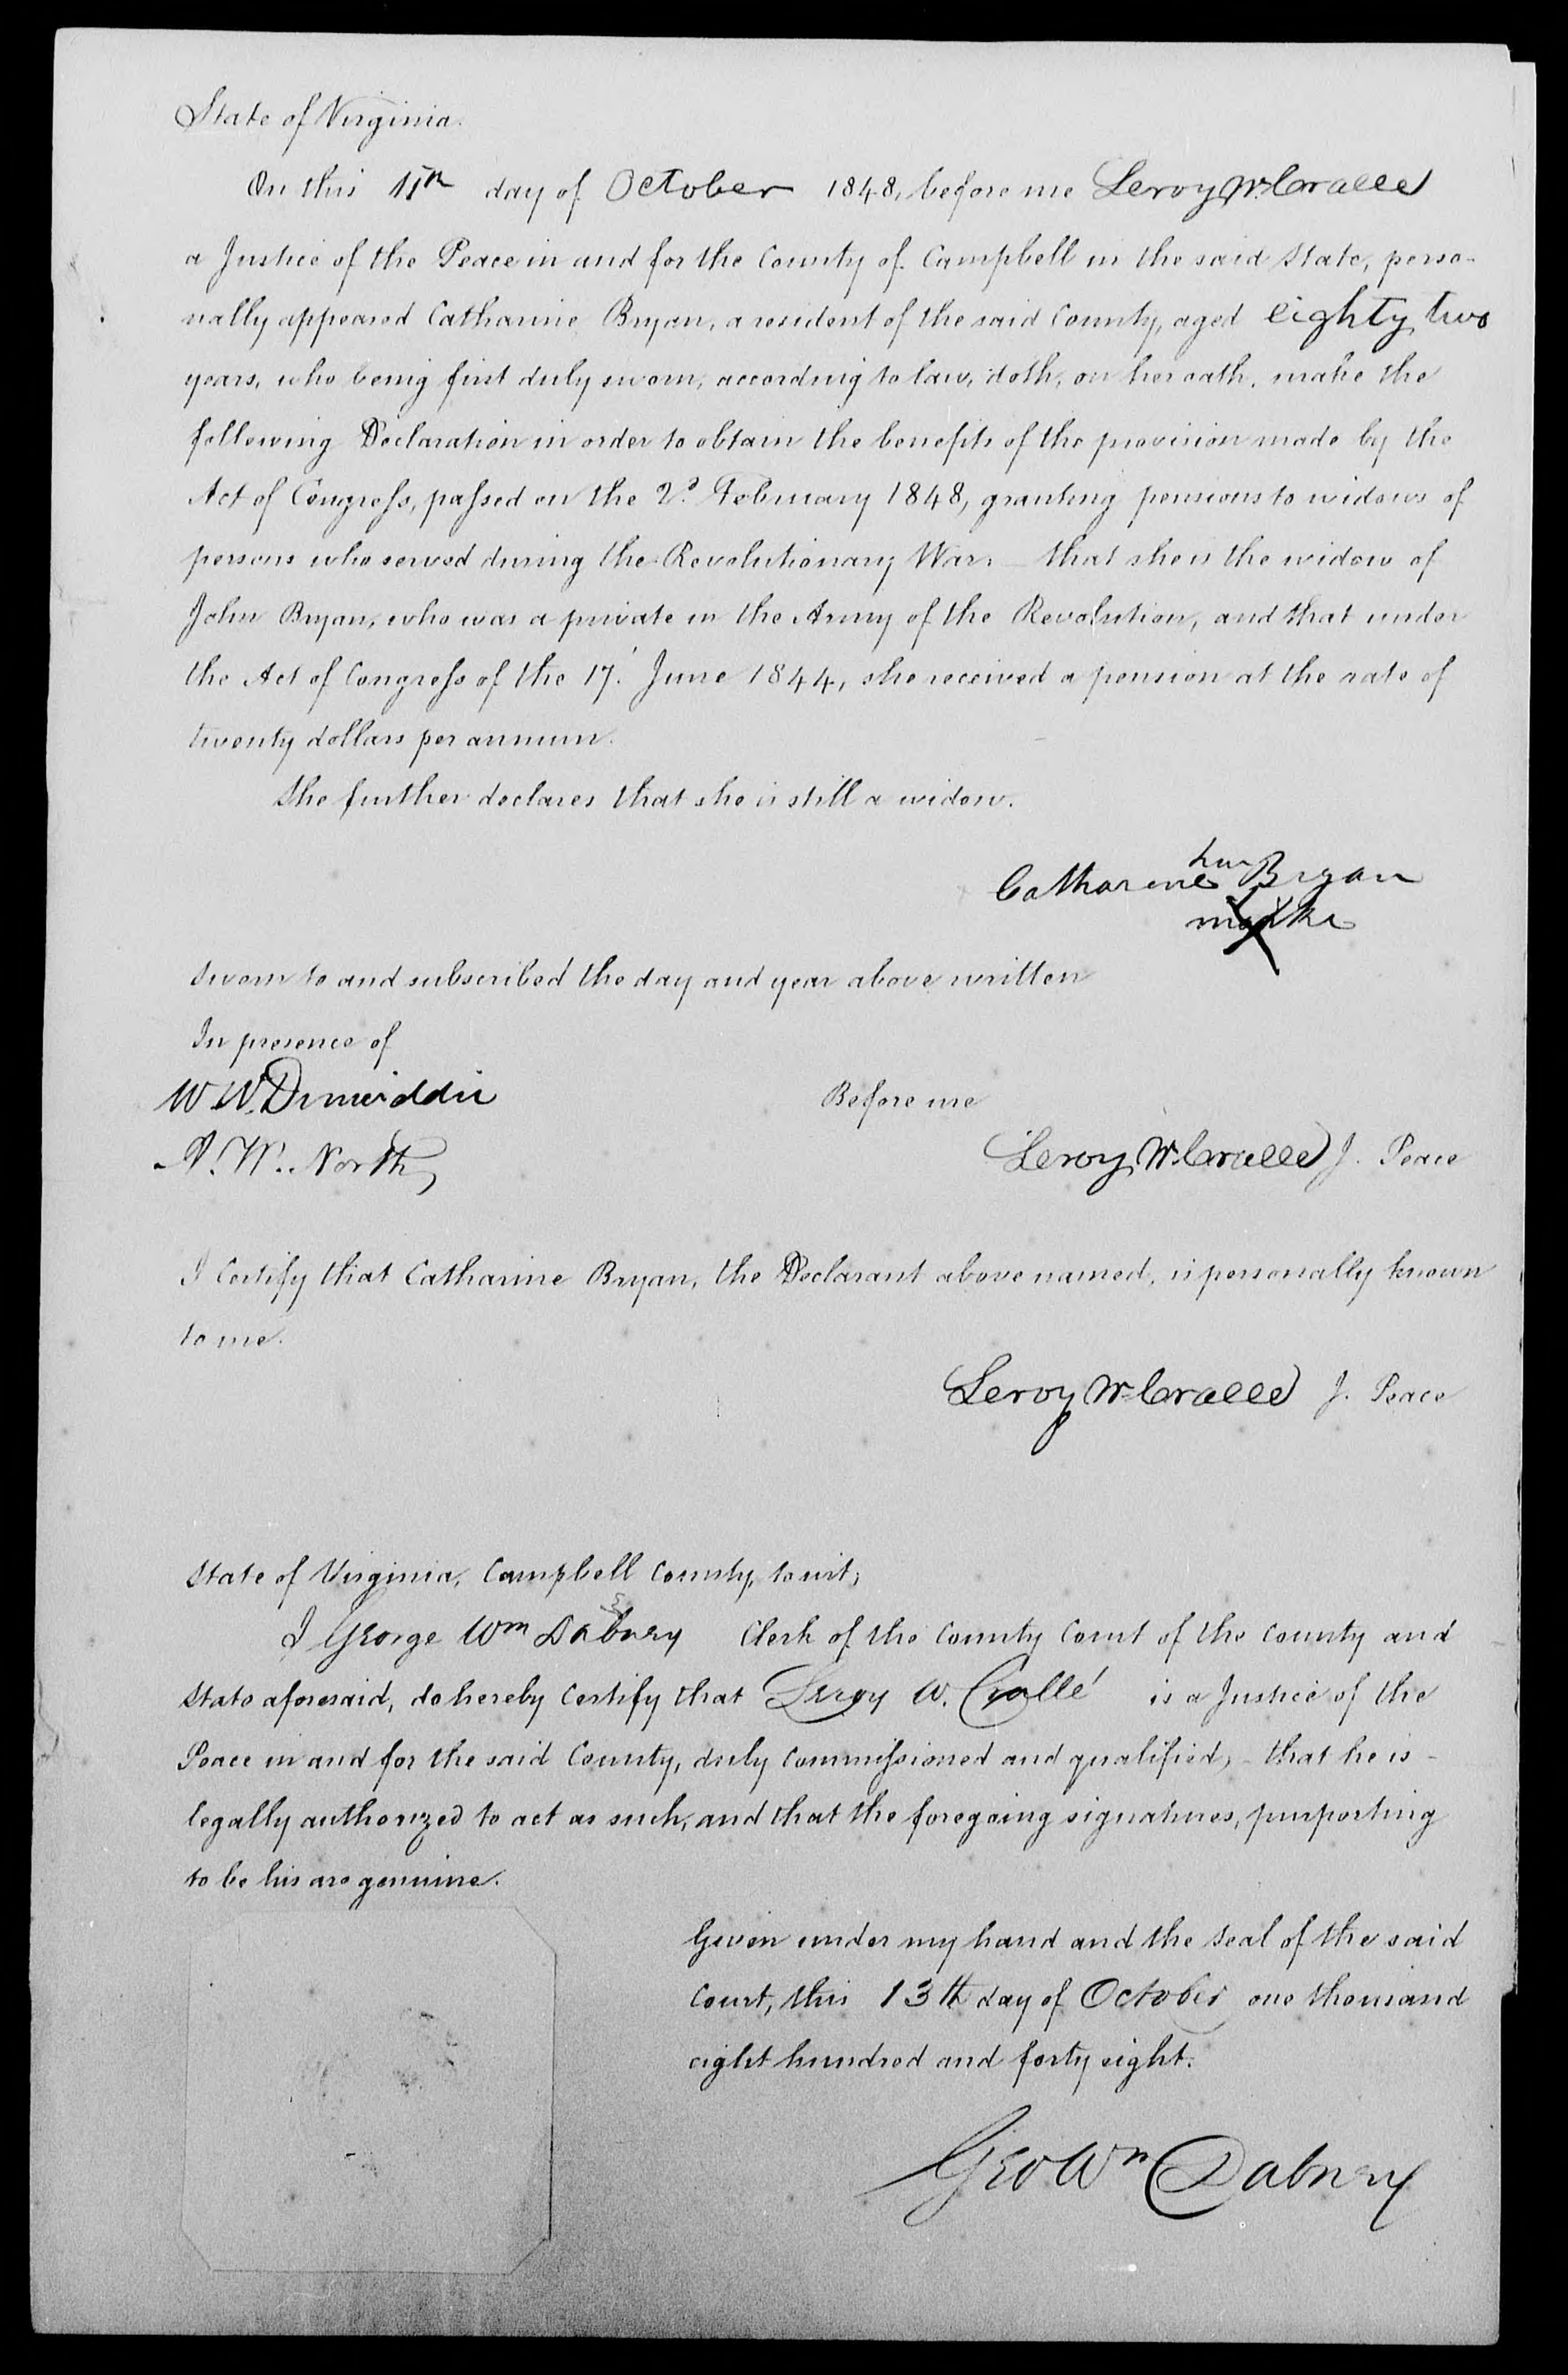State of Virginia

On this 17th day of October 1848, before me Leroy W. Cralle a Justice of the Peace in and for the County of Campbell in the said State, personally appeared Catherine Bryan, a resident of the said county aged eighty two years, who being first duly sworn, according to law, doth, on her oath, make the following Declaration in order to obtain the benefits of the provision made by the act of Congress passed on the 2d February 1848, granting pensions to widows of persons who served during the Revolutionary War_ that she is the widow of John Bryan, who was a private in the Army of the Revolution, and that under the Act of Congress of the 7th June 1834, she received a pension at the rate of twenty dollars per annum.

She further declares that she is still a widow.

her
Catharine Bryan
[mark] month

Sworn to and subscribed the day and year above written

In presence of
W.W. Dinwiddie
A.W. North

Before me 
Leroy W. Cralle J. Peace

I certify that Catharine Bryan, the Declarant above named, is personally known to me.

Leroy W. Cralle J. Peace

State of Virginia, Campbell County, to wit,

I George Wm Dabney Clerk of the County Court of the county and state aforesaid, do hereby certify that Leroy W. Cralle is a Justice of the Peace in and for the said County, duly commissioned and qualified, that he is - legally authorized to act as such, and that the foregoing signatures, purporting to be his are genuine.

Given under my hand and the seal of the said court, this 13th day of October one thousand eight hundred and forty-eight.

[signature] Geo Wm Dabney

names: Leroy W Cralle, Leroy W Cralle, Leroy W Cralle, Catharine Bryan, Leroy W Cralle, John Bryan, W W Dinwiddie, Catharine Bryan, Catharine Bryan, George Wm Dabney, A W North, Geo Wm Dabney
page: 22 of 31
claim: widow's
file: W. 3759, John Bryan, Va.